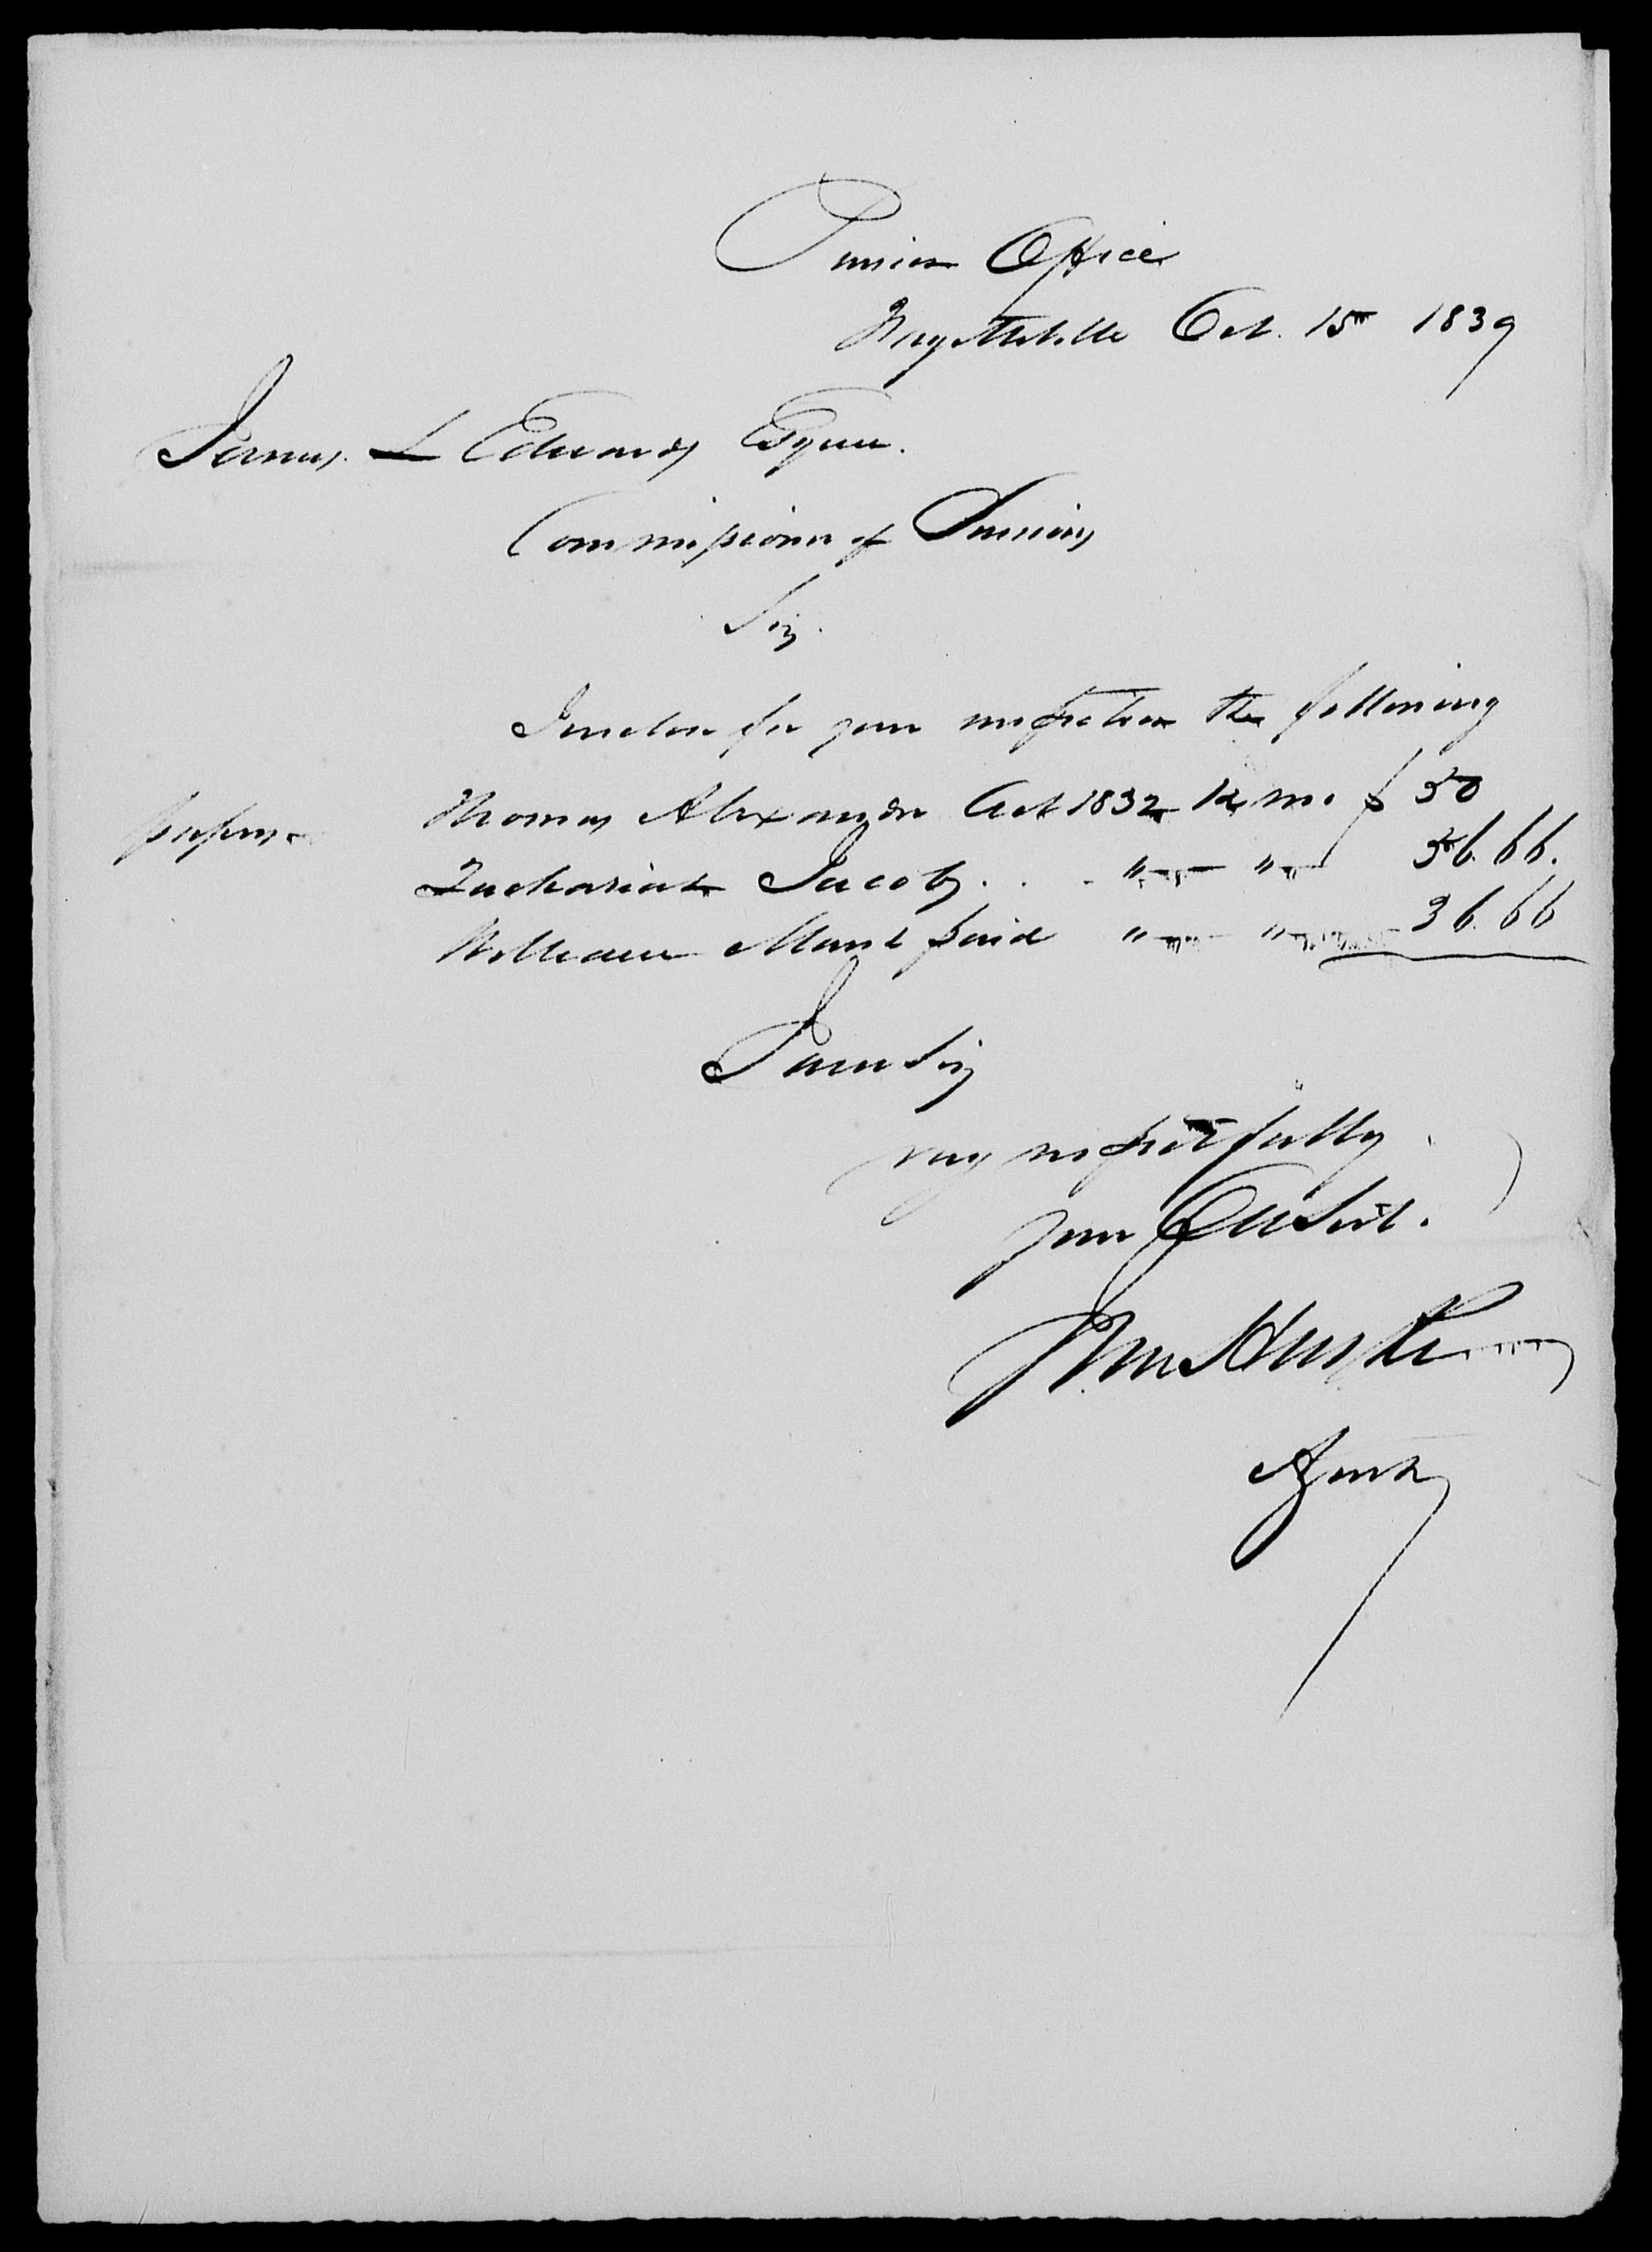[there is a word to the left of the letter that is illegible]  

                              Pension Office
                          Fayetteville Oct 15 1839

James L Edwards  Esquire
           Commissioner of Pensions
                   Sir

Enclosed for your satisfaction the following
Norman Alexander Act 1832  12 mo  $50
Zachariah Jacobs .  .    .    "       "         $56.66
William Hunt paid             "      "         $36.66 
                                                         __________
                          I am [illegible]
                              very respectfully
                [Signature]  Jim  [illegible]
                       [Signature] [illegible]
                                         Agency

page: 40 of 40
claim: widow's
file: W. 5304, for Zachariah Jacobs, North Carolina